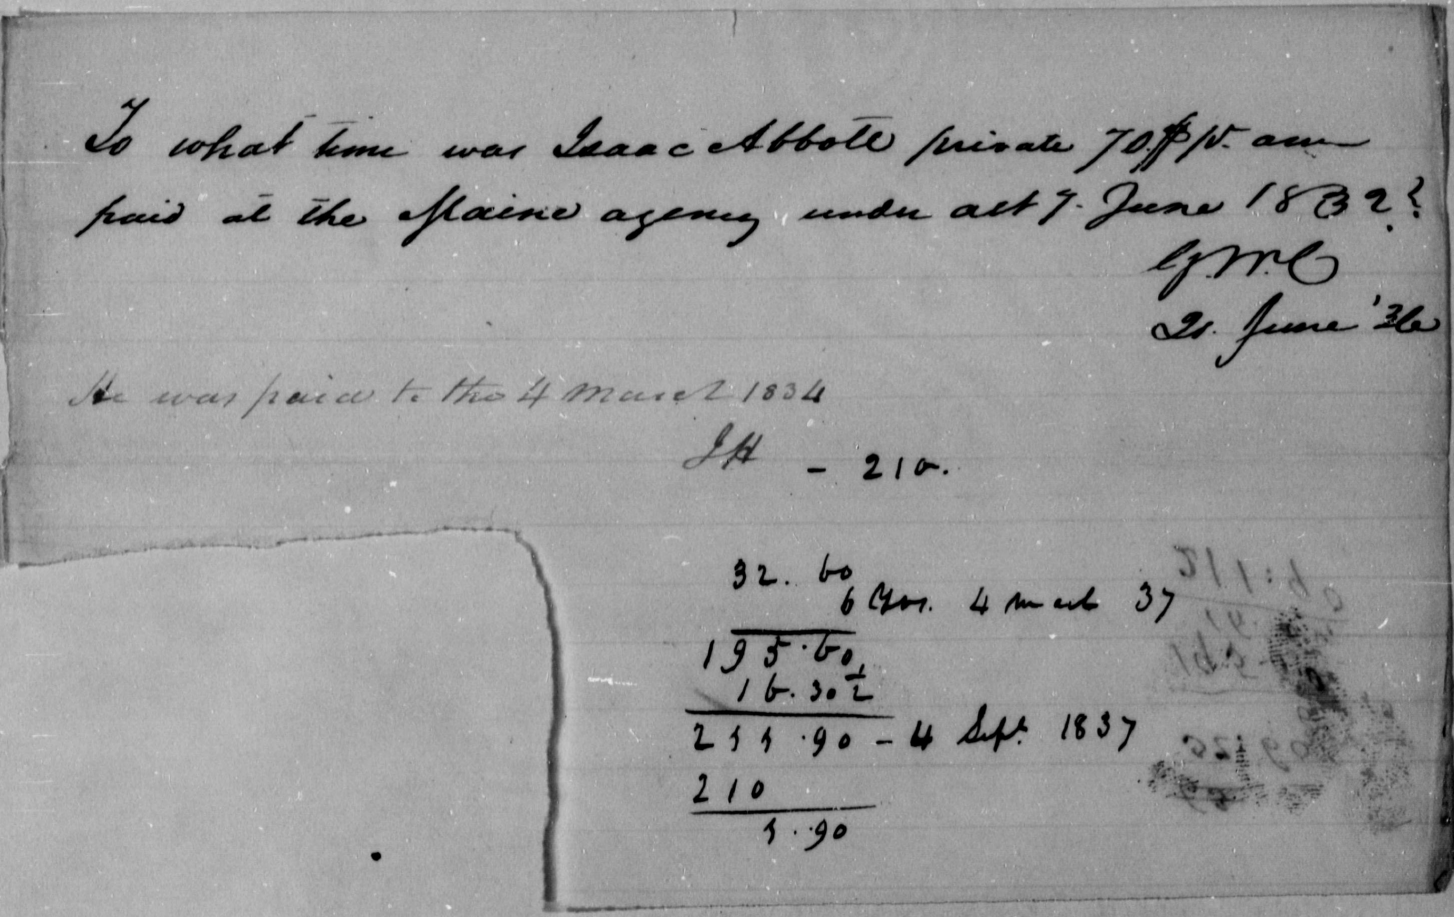To what time was Isaac Abbott, Private, 70$ per annum, paid at the Maine agency under Act 7 June 1832?
[SIGNED: G. M. C.]
21 June '36

He was paid to the 4 March 1834
[SIGNED: J. H.] - 210.

32.60
36 yrs. 4 mos. 37
_____
195.60
16.302
_____
255.90 - 4 Sept 1837
210
_____
5.90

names: Isaac Abbott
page: 58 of 86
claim: survivor's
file: S 29,568, Isaac Abbot, Mass